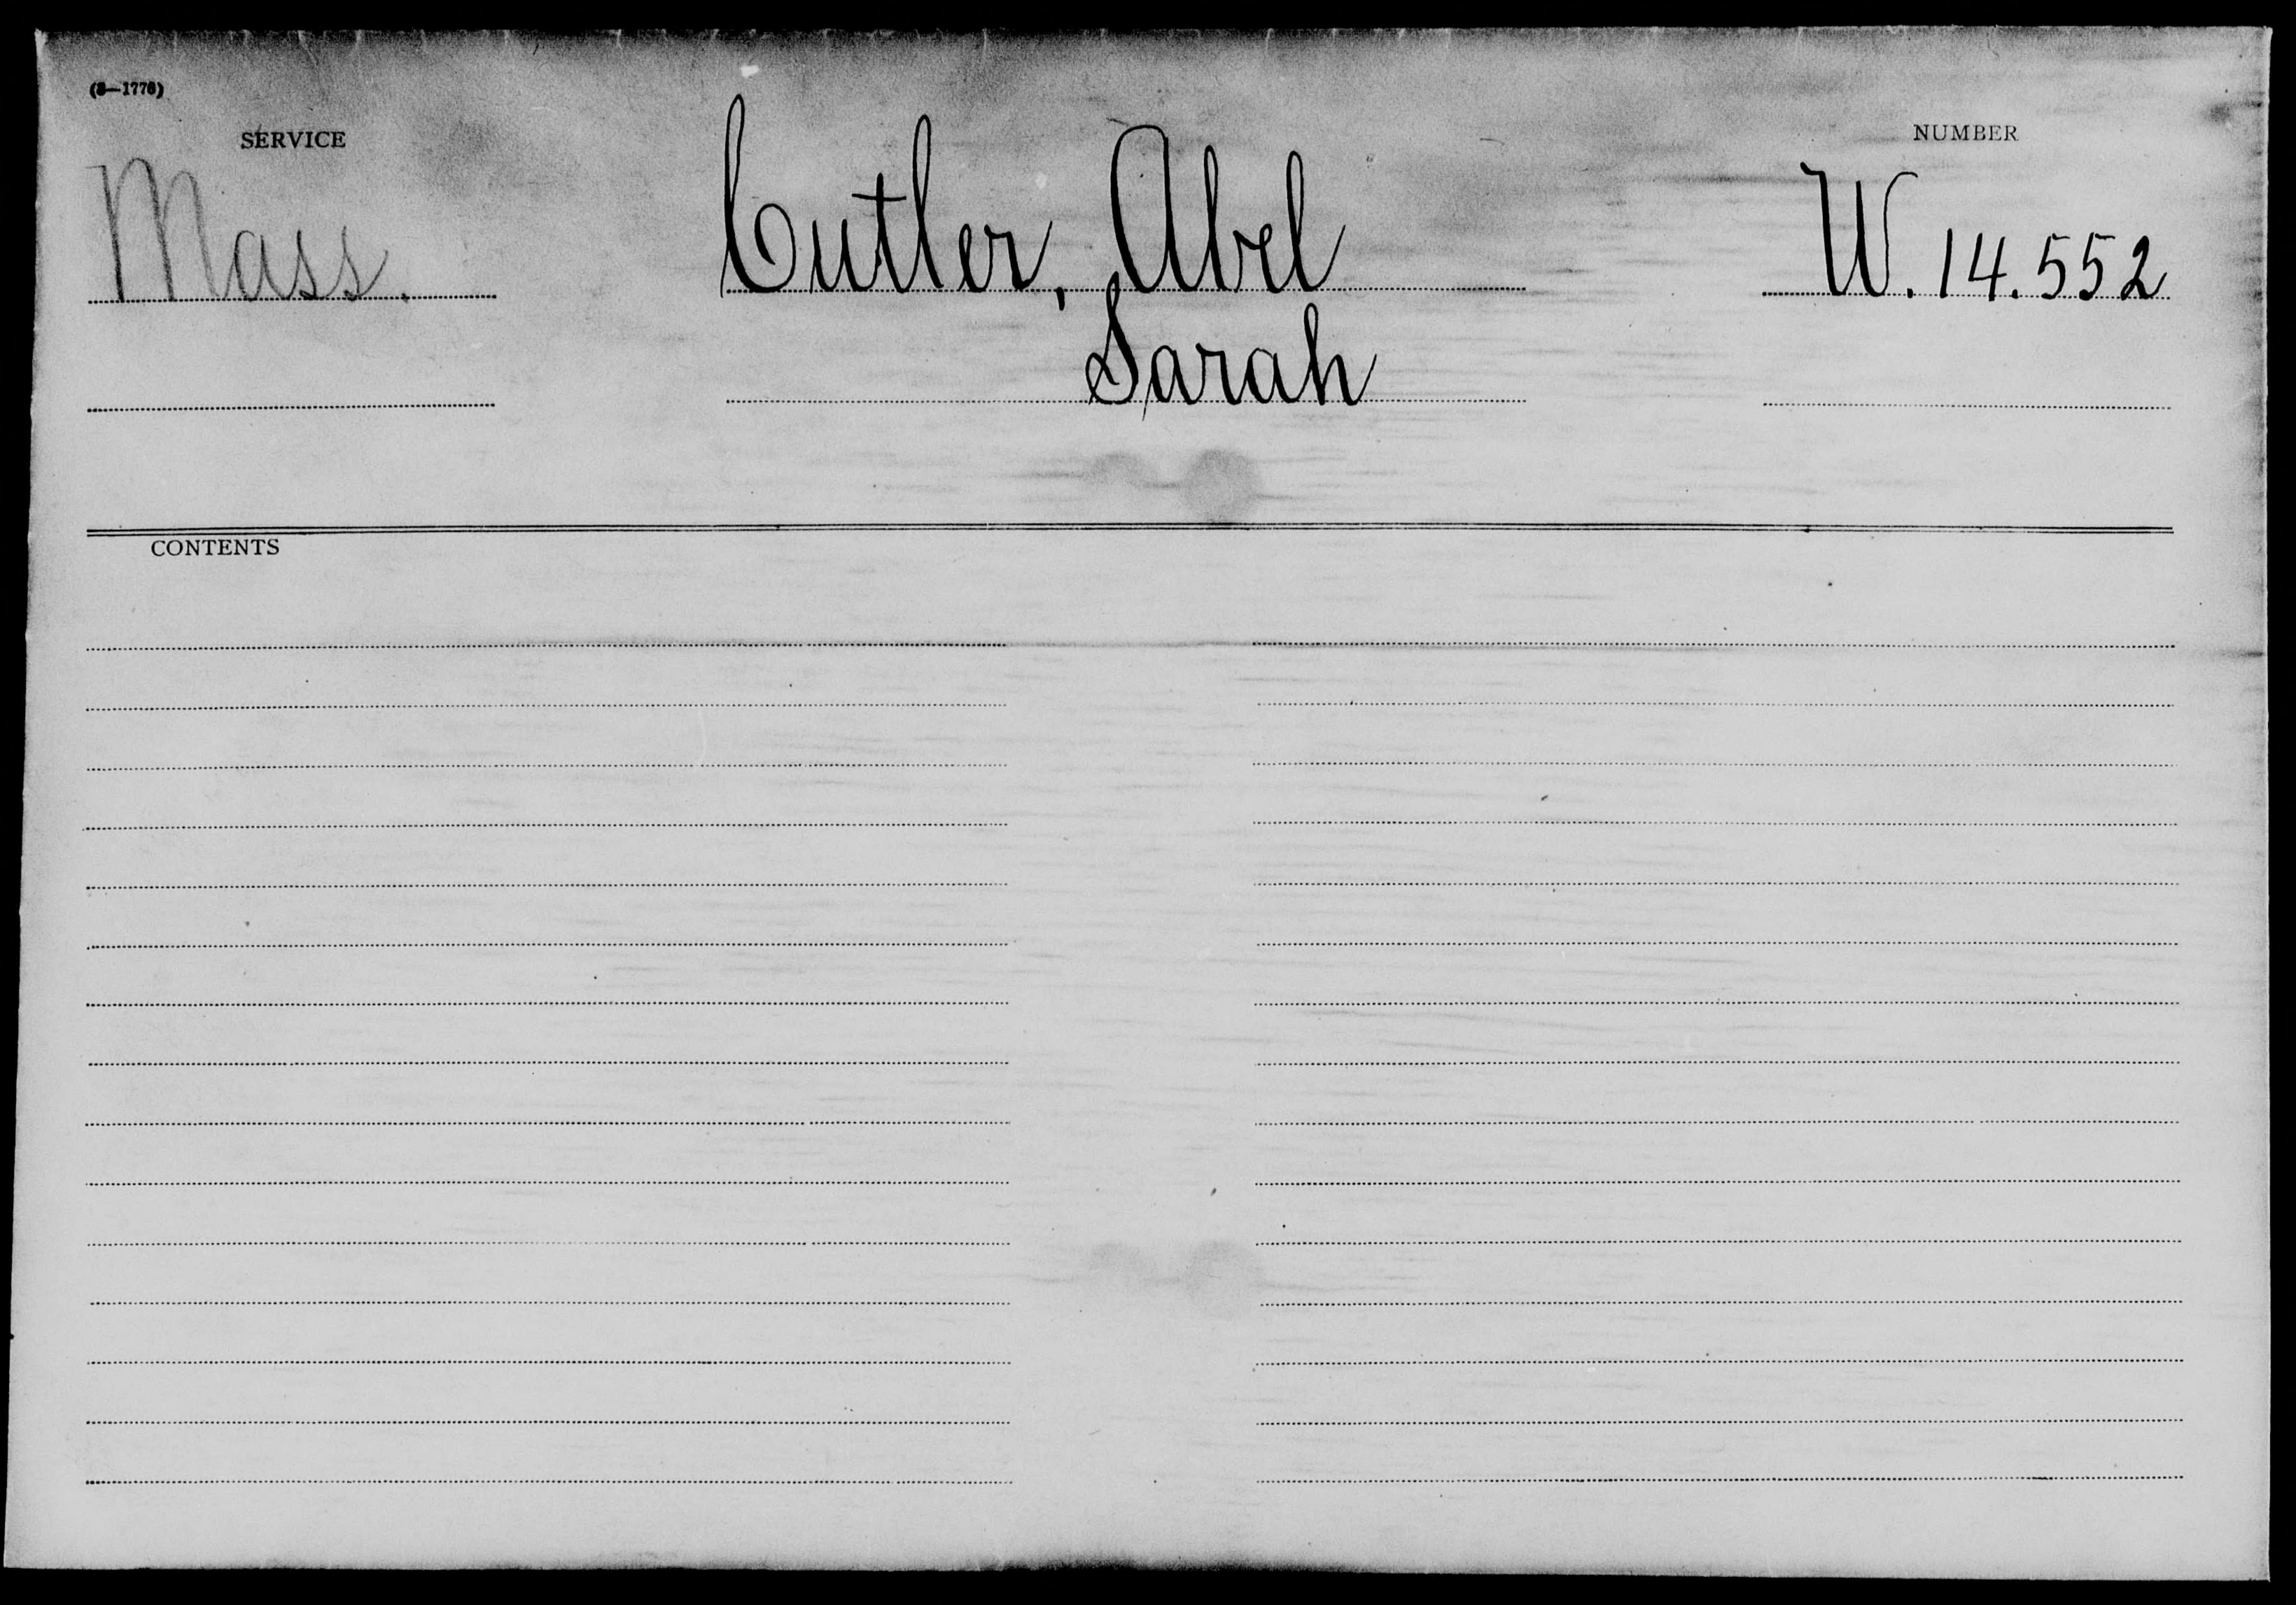Service: Mass.
Cutler, Abel,
Sarah
W. 14. 552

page: 1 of 22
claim: widow's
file: W. 14,552, Abel Cutler, Mass.